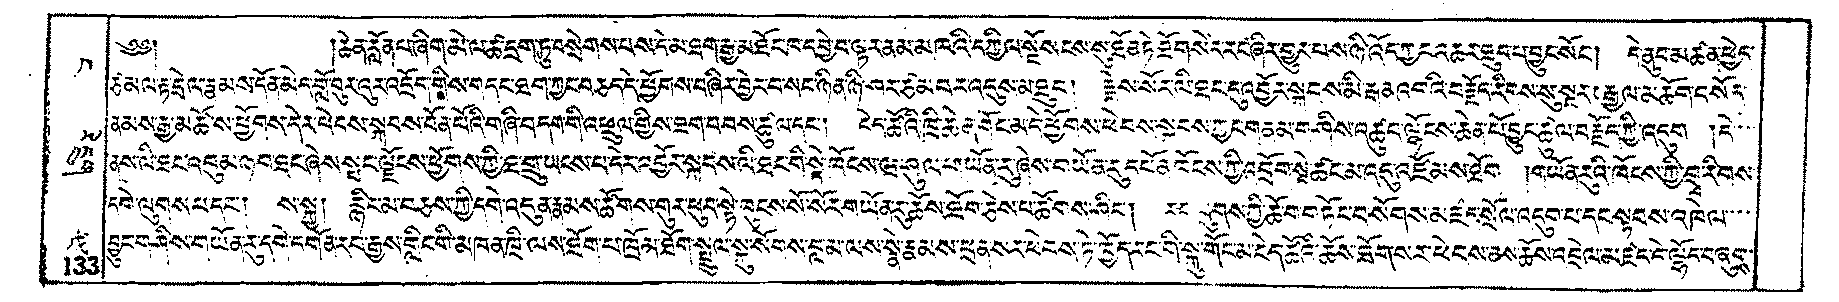༄༅། །ཆེན་རློན་པ་ཞིག་མེ་ལ་ཚ་དྲག་ཏུ་བསྲེགས་པས་དེ་མ་ཐག་རྒྱ་མཐོང་ཁ་དབྱེ་བ་ལྟར་ནམ་མཁའི་དཀྱིལ་སྔོ་སངས་སུ་ཐོན་ཏེ་ཐོག་སེར་རང་ཞིར་གྱུར་པས་ཉི་འོད་ཀྱང་འཆར་ཐུབ་པ་བྱུང་སོང་། དེ་ནུབ་མཚན་ཕྱེད་
ཙམ་ལ་རྟ་དྲེལ་རྣམས་དོན་མེད་གློ་བུར་འུར་འདྲོག་གིས་གདང་ཐག་ཀྱང་བཅད་དེ་ཕྱོགས་བཞིར་བྱེར་བ་སང་ཉིན་ཉི་ཤར་ཙམ་བར་འདུས་མ་ཐུབ། རྗེས་སོར་ལི་ཐང་དུ་འབྱོར་སྐབས་མི་རྒན་འགའི་བརྗོད་རིགས་སུ་སྔར་༧་རྒྱལ་མཆོག་བསོད་
ནམས་རྒྱ་མཚོ་ས་ཕྱོགས་དེར་ཕེབས་སྐབས་བོན་པོའི་གཞི་བདག་གི་འཕྲུལ་གྱིས་ཐག་བབས་ཚུལ་དང་། ངེད་ཚོའི་ཁྲི་ཆེན་གོང་མ་དེ་ཕྱོགས་ཕེབས་སྐབས་ཀྱང་གནམ་གཤིས་འཚུབ་ལྷོངས་ཆེན་པོ་བྱུང་ཚུལ་བརྗོད་ཀྱི་འདུག །དེ་
ནས་ལི་ཐང་འབུམ་ཉག་ཐང་ཞེས་སྤང་ལྗོངས་ཕྱོགས་ཀྱི་ཐ་གྲུ་ཡངས་པ་དེར་འབྱོར་སྐབས་ལི་ཐང་གི་སྡེ་ཁོངས་ཝ་ཤུལ་གཡོན་རུ་ཞེས་གཡོན་རུ་དཔོན་ཁོངས་ཀྱི་འབྲོག་སྡེ་ཚང་མ་འདུ་འཛོམས་ཐོག །གཡོན་རུའི་ཁོངས་ཀྱི་གྲྭ་རིགས་
དགེ་ལུགས་པ་དང་། ས་སྐྱ། རྙིང་མ་བཅས་ཀྱི་དགེ་འདུན་རྣམས་ཚོགས་གུར་ཕུབ་སྟེ་ཁུངས་སོ་སོར་གཡོན་རུ་ཆོས་ཐོག་ཅེས་པ་ཚོགས་ཤིང་། རང་ལུགས་ཀྱི་ཆོ་ག་གཏོང་བ་སོགས་མཛད་སྲོལ་འདུག་པ་དང་སྟབས་འཁེལ་
བྱུང་གཤིས་གཡོན་རུ་དགེ་དགོན་རབ་རྒྱས་གླིང་གི་མཁན་ཁྲི་ལས་ཐོག་པ་ཁྲོམ་ཐོག་སྤྲུལ་སྐུ་སོགས་བླ་མ་ལས་སྣེ་རྣམས་ཕྲན་སར་ཕེབས་ཏེ་ཁྱོད་རང་གི་སྐུ་གོང་མ་ངེད་ཚོའི་ཆོས་ཐོག་སར་ཕེབས་ནས་ཆོས་འབྲེལ་མཛད་དེ་ལྷོད་བཞུགས་